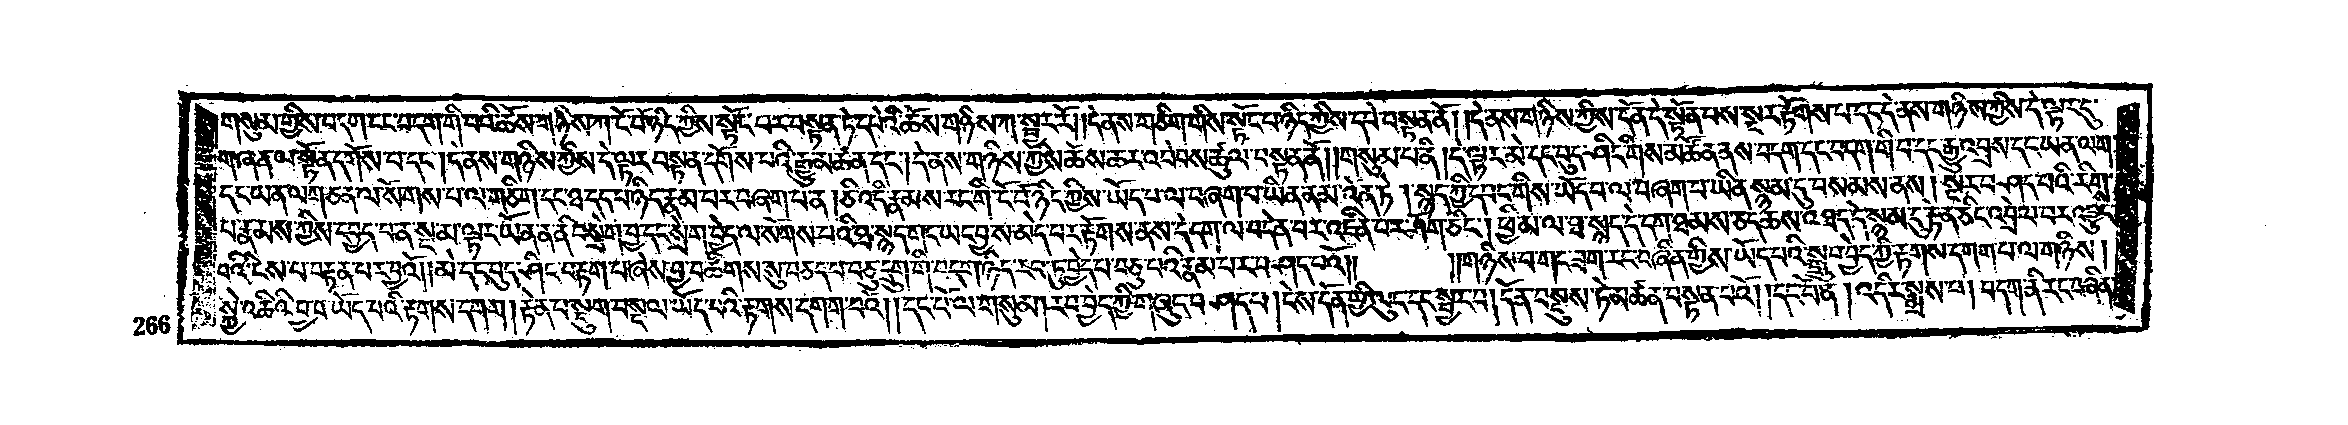གསུམ་གྱིས་བདག་དང་བདག་གི་བའི་ཆོས་གཉིས་ཀ་ངོ་བོ་ཉིད་ཀྱིས་སྟོང་པར་བསྟན་ཏེ་དཔེའི་ཆོས་གཉིས་ཀ་སྦྱར་རོ། །དེ་ནས་གཅིག་གིས་སྟོང་པ་ཉིད་ཀྱིས་དཔེ་བསྟན་ནོ། །དེ་ནས་གཉིས་ཀྱིས་དོན་དེ་སྟོན་པས་སྔར་རྟོགས་པ་དང་དེ་ནས་གཉིས་ཀྱིས་དེ་ལྟར་དུ་
གཞན་ལ་སྟོན་དགོས་པ་དང་། དེ་ནས་གཉིས་ཀྱིས་དེ་ལྟར་བསྟན་དགོས་པའི་རྒྱུ་མཚན་དང་། དེ་ནས་གཉིས་ཀྱིས་ཆོས་ཆར་འབེབས་ཚུལ་བསྟན་ནོ། །གསུམ་པ་ནི། །དེ་ལྟར་མེ་དང་བུད་ཤིང་གིས་མཚོན་ནས་བདག་དང་བདག་གི་བ་དང་རྒྱུ་འབྲས་དང་ཡན་ལག་
དང་ཡན་ལག་ཅན་ལ་སོགས་པ་ལ་གཅིག་དང་ཐ་དད་པ་ཉིད་རྣམ་པར་བཞག་པ་ན། ཅི་འདི་རྣམས་རང་གི་ངོ་བོ་ཉིད་ཀྱིས་ཡོད་པ་ལ་བཞག་པ་ཡིན་ནམ་འོན་ཏེ་ཐ་སྙད་ཀྱི་དབང་གིས་ཡོད་པ་ལ་བཞག་པ་ཡིན་སྙམ་དུ་བསམས་ནས། སྔར་བཤད་པའི་རིགས་
པ་རྣམས་ཀྱིས་དབྱད་པ་ན་སྔ་མ་ལྟར་ཡིན་ན་ནི་བསྲེག་བྱ་དང་སྲེག་བྱེད་ལ་སོགས་པའི་ཐ་སྙད་གང་ཡང་བྱ་ས་མེད་པར་རྟོགས་ནས་དེ་དག་ལ་བདེན་པར་འཛིན་པ་འགོག་ཅིང་། ཕྱི་མ་ལ་ཐ་སྙད་དེ་དག་ཐམས་ཅད་ཆས་འཐད་དེ་སྙམ་དུ་རྟེན་ཅིང་འབྲེལ་བར་འབྱུང་
བའི་ངེས་པ་བརྟེན་པར་བྱའོ། །མེ་དང་བུད་ཤིང་བརྟག་པ་ཞེས་བྱ་བ་ཚིགས་སུ་བཅད་པ་བཅུ་དྲུག་གི་བདག་ཉིད་རབ་ཏུ་བྱེད་པ་བཅུ་པའི་རྣམ་པར་བཤད་པའོ།། །།གཉིས་པ་གང་ཟག་རང་བཞིན་གྱིས་ཡོད་པའི་སྒྲུབ་བྱེད་ཀྱི་རྟགས་དགག་པ་ལ་གཉིས།
སྐྱེ་འཆིའི་བྱ་བ་ཡོད་པའི་རྟགས་དགག །རྟེན་པ་སྡུག་བསྔལ་ཡིད་པའི་རྟགས་དགག་པའོ། །དང་པོ་ལ་གསུམ། རབ་བྱེད་ཀྱི་གཞུང་བཤད་པ། ངེས་དོན་གྱི་ལུང་དང་སྦྱར་བ། དོན་བསྡུས་ཏེ་མཚན་བསྟན་པའོ། །དང་པོ་ནི། འདིར་སྨྲས་པ། བདག་ནི་རང་བཞིན་